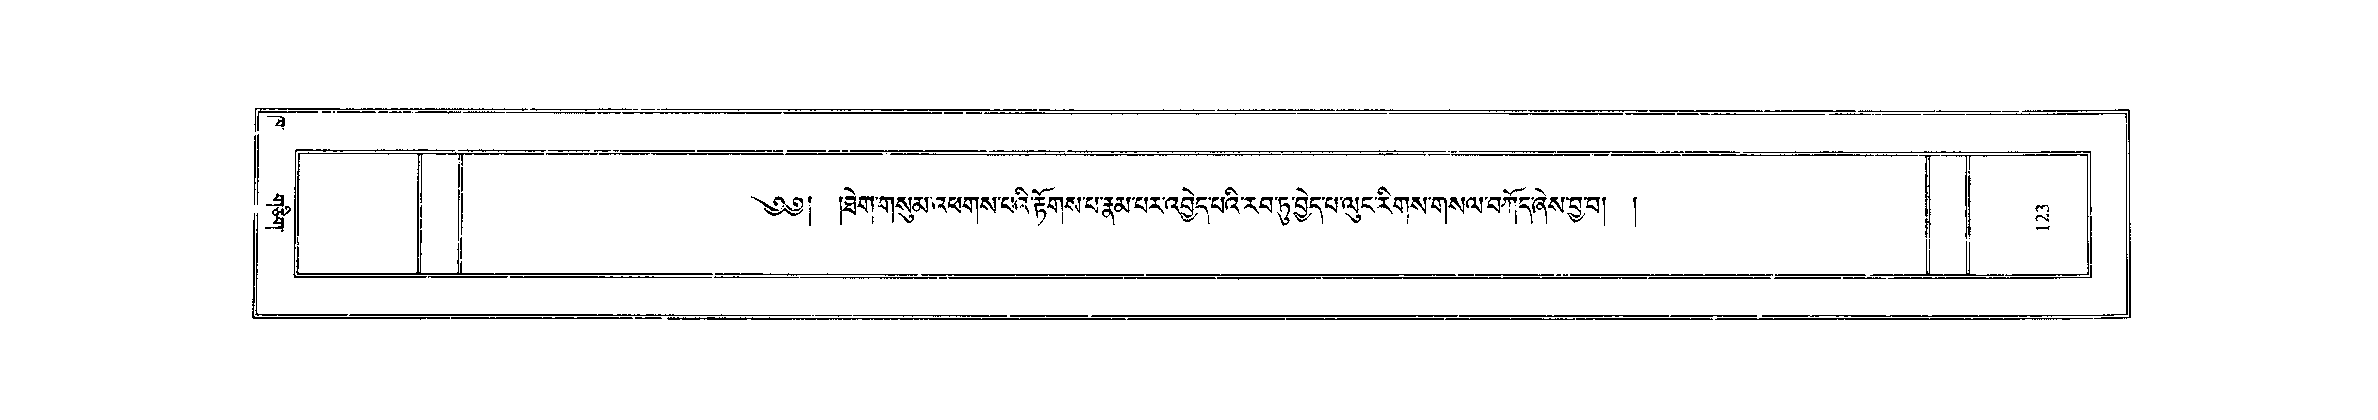༄༅། །ཐེག་གསུམ་འཕགས་པའི་རྟོགས་པ་རྣམ་པར་འབྱེད་པའི་རབ་ཏུ་བྱེད་པ་ལུང་རིགས་གསལ་བཀོད་ཞེས་བྱ་བ། །